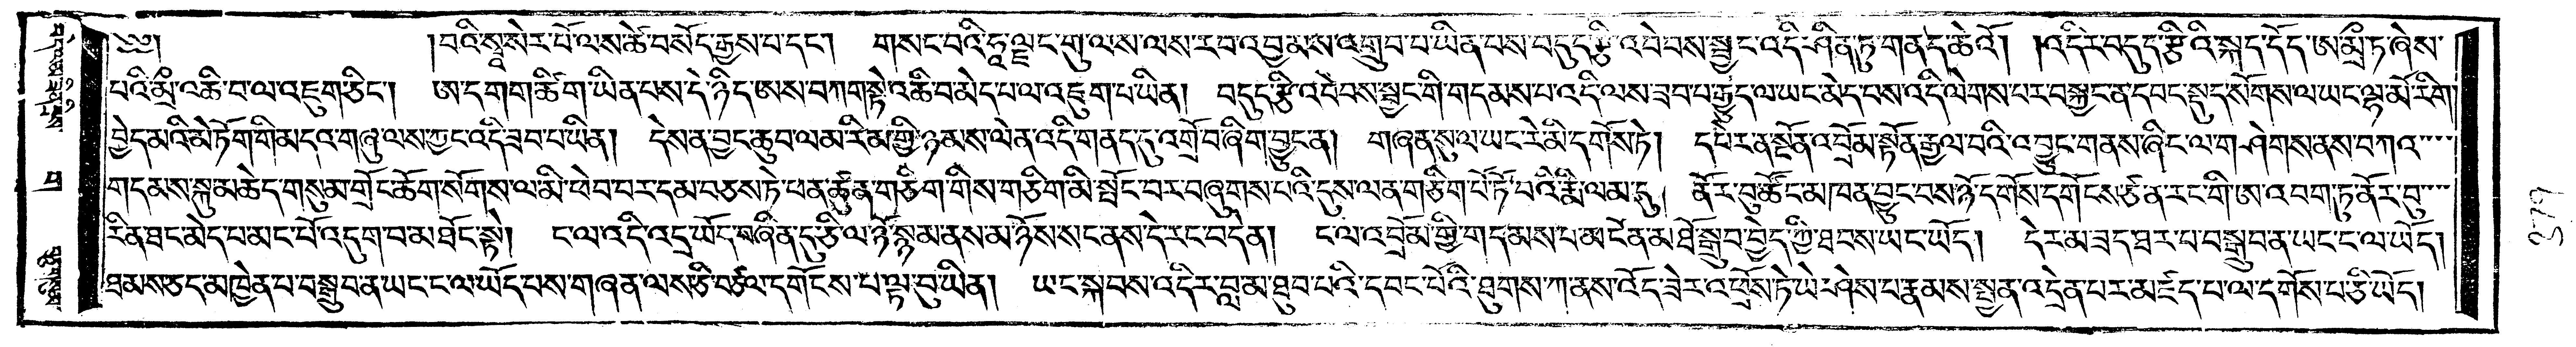༄༅། །བའི་སྲཱ་སེར་བོ་ལས་ཚེ་བསོད་རྒྱས་བ་དང་། གསང་བའི་ཧཱ་ལྗང་གུ་ལས་ལས་རབ་འབྱམས་འགྲུབ་པ་ཡིན་པས་བདུད་རྩི་འབེབས་སྦྱང་འདི་ཤིན་ཏུ་གནད་ཆེའོ། །འདིར་བདུད་རྩིའི་སྐད་དོད་ཨ་མྲྀ་ཏ་ཞེས་
བའི་མྲྀ་འཆི་བ་ལ་འཇུག་ཅིང་། ཨ་དགག་ཚིག་ཡིན་པས་དེ་ཉིད་ཨས་བཀག་སྟེ་འཆི་བ་མེད་པ་ལ་འཇུག་པ་ཡིན། བདུད་རྩི་འབེབས་སྦྱང་གི་གདམས་པ་འདི་ལས་ཟབ་པ་རྒྱུད་ལ་ཡང་མེད་པས་འདི་ལེགས་པར་བསྐྱང་ན་དབང་སྡུད་སོགས་ལ་ཡང་ལྷ་མོ་རིག་
བྱེད་མའི་མེ་ཏོག་གི་མདའ་གཞུ་ལས་ཀྱང་འདི་ཟབ་བ་ཡིན། དེས་ན་བྱང་ཆུབ་ལམ་རིམ་གྱི་ཉམས་ལེན་འདི་གནད་དུ་འགྲོ་བ་ཞིག་བྱུང་ན། གཞན་སུ་ལ་ཡང་རེ་མི་དགོས་ཏེ། དཔེར་ན་སྔོན་འབྲོམ་སྟོན་རྒྱལ་བའི་འབྱུང་གནས་ཞིང་ལ་གཤེགས་ནས་བཀའ་
གདམས་སྐུ་མཆེད་གསུམ་གྲོང་ཆོག་སོགས་ལ་མི་བེབ་པར་དམ་བཅས་ཏེ་ཕན་ཚུན་གཅིག་གིས་གཅིག་མི་སྤོང་བར་བཞུགས་པའི་དུས་ལན་གཅིག་པོ་ཏོ་བའི་རྨི་ལམ་དུ། ནོར་བུ་ཚོང་མཁན་བྱུང་བས་ཉོ་དགོས་དགོངས་ཙ་ན་རང་གི་ཨ་འབག་ཏུ་ནོར་བུ་
རིན་ཐང་མེད་པ་མང་པོ་འདུག་པ་མཐོང་སྟེ། ང་ལ་འདིའང་ཡོད་བཞིན་དུ་ཅི་ལ་ཉོ་སྙམ་ནས་མ་ཉོས་སང་ནས་དེ་རང་བདེན། ངལ་འབྲོམ་གྱི་གདམས་པ་མངོན་མཐོ་སྒྲུབ་བྱེད་ཀྱི་ཐབས་ཡང་ཡོད། དེར་མ་ཟད་ཐར་པ་བསྒྲུབ་ན་ཡང་ངལ་ཡོད།
ཐམས་ཅད་མཁྱེན་པ་བསྒྲུབ་ན་ཡང་ང་ལ་ཡོད་པས་གཞན་ལས་ཅི་བཙལ་དགོངས་པ་ལྟ་བུ་ཡིན། ཡང་སྐབས་འདིར་བླ་མ་ཐུབ་པའི་དབང་པོའི་ཐུགས་ཀ་ནས་འོད་ཟེར་འཕྲོས་ཏེ་ཡེ་ཤེས་པ་རྣམས་སྤྱན་འདྲེན་པར་མཛད་པ་ལ་དགོས་པ་ཅི་ཡོད།